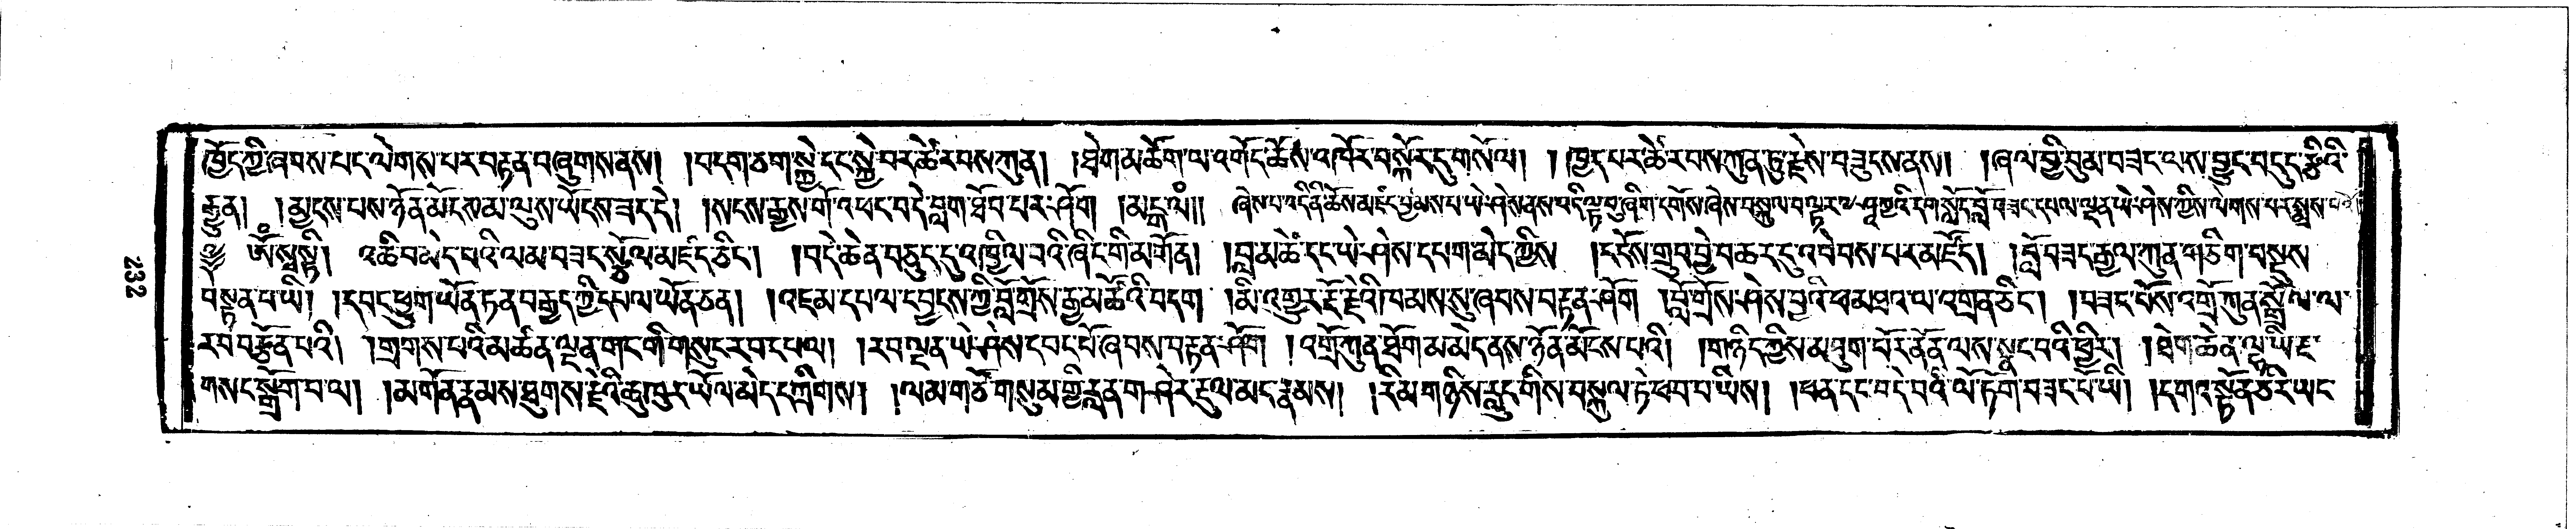ཁྱོད་ཀྱི་ཞབས་པང་ལེགས་པར་བརྟན་བཞུགས་ནས། །བདག་ཅག་སྐྱེ་དང་སྐྱེ་བར་ཚེ་རབས་ཀུན། །ཐེག་མཆོག་ལ་འགོད་ཆོས་འཁོར་བསྐོར་དུ་གསོལ། །ཁྱད་པར་ཚེ་རབས་ཀུན་ཏུ་རྗེས་བཟུངས་ནས། །ཞལ་བྱི་བུམ་བཟང་ལས་བྱུང་བདུད་རྩིའི་
རྒྱུན། །མྱངས་པས་ཉོན་མོངས་མ་ལུས་ཡོངས་ཟད་དེ། །སངས་རྒྱས་གོ་འཕང་བདེ་བླག་ཐོབ་པར་ཤོག། །མངྒ་ལཾ།། ཞེས་པ་འདི་ནི་ཆོས་མཛད་བྱམས་པ་ཡེ་ཤེས་ནས་འདི་ལྟ་བུ་ཞིག་དགོས་ཞེས་བསྐུལ་བ་ལྟར་༧་ཤཱཀྱའི་དག་སློད་བློ་བཟང་དཔལ་ལྡན་ཡེ་ཤེས་ཀྱིས་ལེགས་པར་སྨྲས་པའོ་
༈ ཨོཾ་སྭསྟི། འཆི་བ་མེད་པའི་ལམ་བཟང་སྩོལ་མཛད་ཅིང་། །བདེ་ཆེན་བཅུད་དུ་འཁྱིལ་བའི་ཞིང་གི་མགོན། །བླ་མ་ཚེ་དང་ཡེ་ཤེས་དཔག་མེད་ཀྱིས། །དངོས་གྲུབ་བྱེ་བ་ཆར་དུ་འབེབས་པར་མཛོད། །བློ་བཟང་རྒྱལ་ཀུན་གཅིག་བསྡུས་
བསྟན་པ་ཡི། །དབང་ཕྱུག་ཡོན་ཏན་བརྒྱད་ཀྱི་དཔལ་ཡོན་ཅན། །འཇམ་དཔལ་དབྱངས་ཀྱི་བློ་གྲོས་རྒྱ་མཚོའི་བདག །མི་འགྱུར་རྡོ་རྗེའི་ཁམས་སུ་ཞབས་བརྟན་ཤོག །བློ་གྲོས་ཤེས་བྱའི་ཕ་མཐའ་ལ་འགྲན་ཅིང་། །བཟང་པོས་འགྲོ་ཀུན་སྒྲོལ་ལ་
རབ་བརྩོན་པའི། །གྲགས་པའི་མཚན་ལྡན་གང་གི་གསུང་རབ་དཔལ། །རབ་ལྡན་ཡེ་ཤེས་དབང་པོ་ཞབས་བརྟན་ཤོག །འགྲོ་ཀུན་ཐོག་མ་མེད་ནས་ཉོན་མོངས་པའི། །གཉིད་ཀྱིས་མཐུག་པོར་ནོན་ལས་སྣང་བའི་ཕྱིར། །ཐེག་ཆེན་ལྷ་ཡི་རྔ་
གསང་སྒྲོག་པ་ལ། །མགོན་རྣམས་ཐུགས་རྗེའི་ཆུ་ཁུར་ཡོལ་མེད་དགྲིགས། །ལམ་གཙོ་གསུམ་གྱི་རླན་གཤེར་རྡུལ་མང་རྣམས། །རིམ་གཉིས་རླུང་གིས་བསྐུལ་ཏེ་ཕབ་པ་ཡིས། །ཕན་དང་བདེ་བའི་ལོ་ཏོག་བཟང་པོ་ཡི། །དགའ་སྟོན་ཅིར་ཡང་